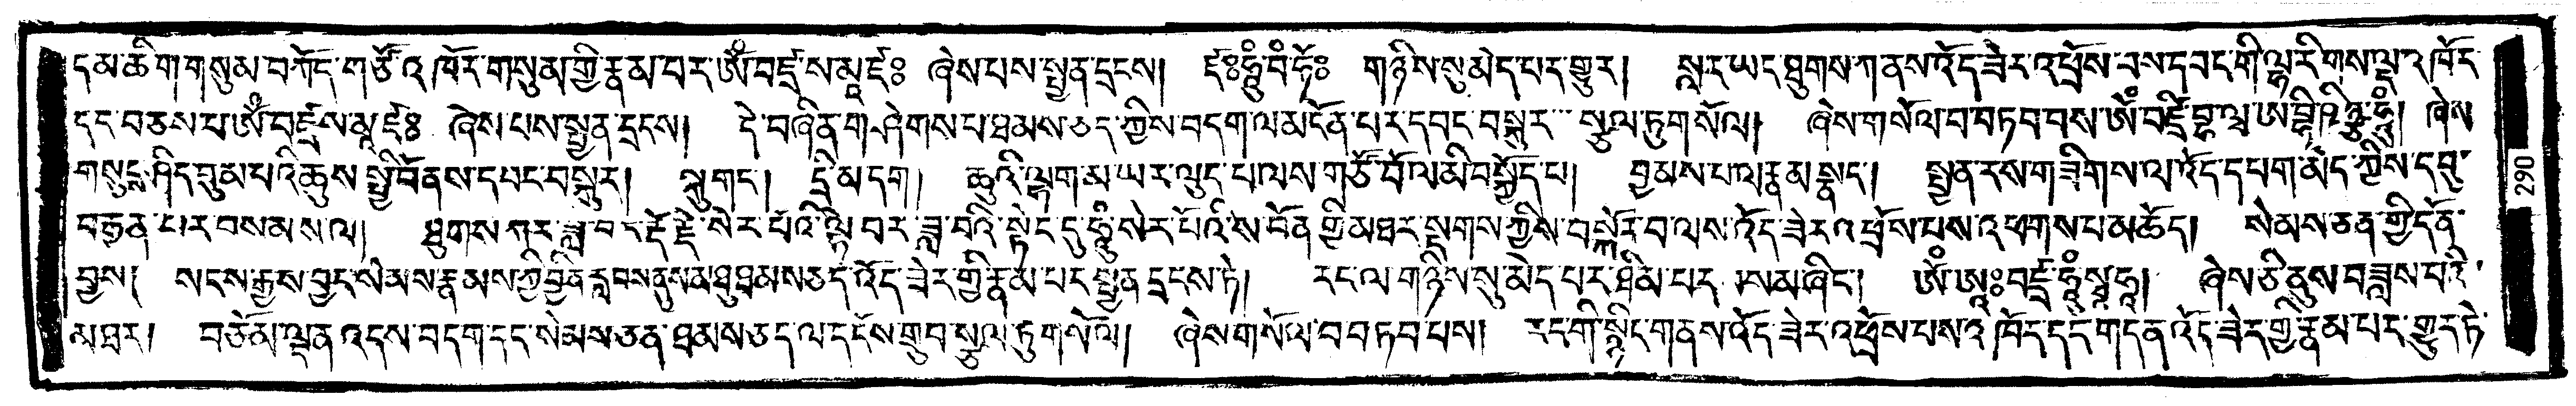དམ་ཚིག་གསུམ་བཀོད་གཙོ་འཁོར་གསུམ་གྱི་རྣམ་པར་ཨོཾ་བཛྲ་ས་མཱ་ཛཿ ཞེས་པས་སྤྱན་དྲངས། ཛཿཧཱུཾ་བཾ་ཧོཿ གཉིས་སུ་མེད་པར་གྱུར། སླར་ཡང་ཐུགས་ཀ་ནས་འོད་ཟེར་འཕྲོས་བས་དབང་གི་ལྷ་རིགས་ལྔ་འཁོར་
དང་བཅས་པ་ཨོཾ་བཛྲ་ས་མཱ་ཛཿ ཞེས་པས་སྤྱན་དྲངས། དེ་བཞིན་གཤེགས་པ་ཐམས་ཅད་ཀྱིས་བདག་ལ་མངོན་པར་དབང་བསྐུར་སྩལ་ཏུ་གསོལ། ཞེས་གསོལ་བ་བཏབ་པས་ཨོཾ་བཛྲི་བྷ་ལྭ་ཨ་བྷི་ཥིཉྩ་ཧཱུཾ། ཞེས་
གསུངས་ཤིང་བུམ་པའི་ཆུས་སྤྱི་བོ་ནས་དབང་བསྐུར། སྐུ་གང་། དྲི་མ་དག། ཆུའི་ལྷག་མ་ཡར་ལུད་པ་ལས་གཙོ་བོ་ལ་མི་བསྐྱོད་པ། བྱམས་པ་ལ་རྣམ་སྣང་། སྤྱན་རས་གཟིགས་ལ་འོད་དཔག་མེད་ཀྱིས་དབུ་
བརྒྱན་པར་བསམས་ལ། ཐུགས་ཀར་ཟླ་བར་རྡོ་རྗེ་སེར་པོའི་ལྟེ་བར་ཟླ་བའི་སྟེང་དུ་ཧཱུཾ་སེར་པོའི་ས་བོན་གྱི་མཐར་སྔགས་ཀྱིས་བསྐོར་བ་ལས་འོད་ཟེར་འཕྲོས་པས་འཕགས་པ་མཆོད། སེམས་ཅན་གྱི་དོན་
བྱས༑ སངས་རྒྱས་བྱང་སེམས་རྣམས་ཀྱི་བྱིན་རླབས་ནུས་མཐུ་ཐམས་ཅད་འོད་ཟེར་གྱི་རྣམ་པར་སྤྱན་དྲངས་ཏེ། རང་ལ་གཉིས་སུ་མེད་པར་ཐིམ་པར་བསམ་ཞིང་། ཨོཾ་ཨཱཿབཛྲ་ཧཱུཾ་སྭཱཧཱ། ཞེས་ཅི་ནུས་བཟླས་པའི་
མཐར། བཅོམ་ལྡན་འདས་བདག་དང་སེམས་ཅན་ཐམས་ཅད་ལ་དངོས་གྲུབ་སྩལ་ཏུ་གསོལ། ཞེས་གསོལ་བ་བཏབ་པས། རང་གི་སྙིང་ག་ནས་འོད་ཟེར་འཕྲོས་པས་འཁོར་དང་གདན་འོད་ཟེར་གྱི་རྣམ་པར་གྱུར་ཏེ་